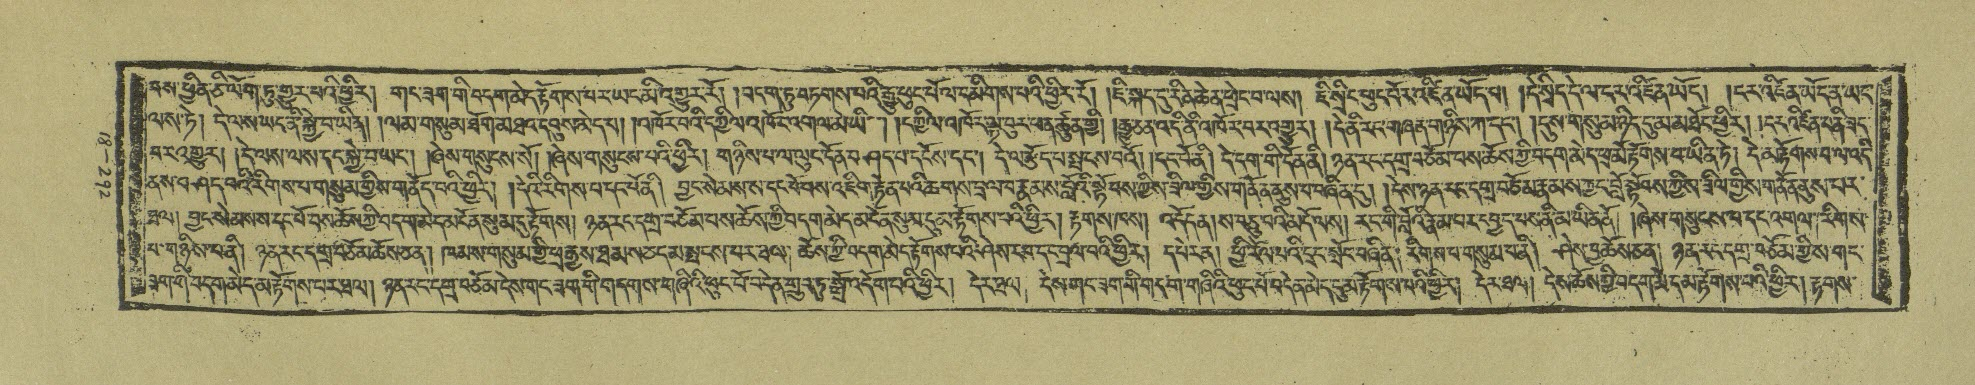པས་ཕྱིན་ཅི་ལོག་ཏུ་གྱུར་པའི་ཕྱིར། གང་ཟག་གི་བདག་མེད་རྟོགས་པར་ཡང་མི་འགྱུར་རོ། །བདག་ཏུ་བཏགས་པའི་རྒྱུ་ཕུང་པོ་ལ་དམིགས་པའི་ཕྱིར་རོ། །ཇི་སྐད་དུ་རིན་ཆེན་ཕྲེང་བ་ལས། ཇི་སྲིད་ཕུང་པོར་འཛིན་ཡོད་པ། །དེ་སྲིད་དེ་ལ་ངར་འཛིན་ཡོད། །དར་འཛིན་ཡོད་ན་ཡང་
ལས་ཏེ། དེ་ལས་ཡང་ནི་སྐྱེ་བ་ཡིན། །ལམ་གསུམ་ཐོག་མཐའ་དབུས་མེད་པ། །འཁོར་བའི་དཀྱིལ་འཁོར་འགལ་མེ་ཡི། །དཀྱིལ་འཁོར་ལྟ་བུར་ཕན་ཚུན་གྱི། །རྒྱུ་ཅན་འདི་ནི་འཁོར་བར་འགྱུར། །དེ་ནི་རང་གཞན་གཉིས་ཀ་དང་། །དུས་གསུམ་ཉིད་དུ་མ་མཐོང་ཕྱིར། །ངར་འཛིན་པ་ནི་ཟད་
པར་འགྱུར། །དེ་ལས་ལས་དང་སྐྱེ་བ་ཡང་། །ཞེས་གསུངས་སོ། །ཞེས་གསུངས་པའི་ཕྱིར། གཉིས་པ་ལ་ལུང་དོན་བཤད་པ་དངོས་དང་། དེ་ལ་རྩོད་པ་སྤངས་པའོ། །དང་པོ་ནི། དེ་དག་གི་དོན་ནི། ཉན་རང་དགྲ་བཅོམ་པས་ཆོས་ཀྱི་བདག་མེད་ཕྲ་མོ་རྟོགས་པ་ཡིན་ཏེ། དེ་མ་རྟོགས་པ་ལ་འདི་
ནས་བཤད་པའི་རིགས་པ་གསུམ་གྱིས་གནོད་པའི་ཕྱིར། །དེའི་རིགས་པ་དང་པོ་ནི། བྱང་སེམས་དང་པོ་བས་འཇིག་རྟེན་པའི་ཆགས་བྲལ་བ་རྣམས་བློའི་སྟོབས་ཀྱིས་ཟིལ་གྱིས་གནོན་ནུས་པ་བཞིན་དུ། །དེས་ཉན་རང་དགྲ་བཅོམ་རྣམས་ཀྱང་བློ་སྟོབས་ཀྱིས་ཟིལ་གྱིས་གནོན་ནུས་པར་
ཐལ། བྱང་སེམས་དང་པོ་བས་ཆོས་ཀྱི་བདག་མེད་མངོན་སུམ་དུ་རྟོགས། ཉན་རང་དགྲ་བཅོམ་པས་ཆོས་ཀྱི་བདག་མེད་མངོན་སུམ་དུ་མ་རྟོགས་པའི་ཕྱིར། རྟགས་ཁས། འདོད་ན། ས་བཅུ་པའི་མདོ་ལས། རང་གི་བློའི་རྣམ་པར་དཔྱད་པས་ནི་མ་ཡིན་ནོ། །ཞེས་གསུངས་པ་དང་འགལ། རིགས་
པ་གཉིས་པ་ནི། ཉན་རང་དགྲ་བཅོམ་ཆོས་ཅན། ཁམས་གསུམ་གྱི་ཕྲ་རྒྱས་ཐམས་ཅད་མ་སྤངས་པར་ཐལ། ཆོས་ཀྱི་བདག་མེད་རྟོགས་པའི་ཤེས་རབ་དང་བྲལ་བའི་ཕྱིར། དཔེར་ན། ཕྱི་རོལ་བའི་དྲང་སྲོང་བཞིན། རིགས་པ་གསུམ་པ་ནི། ཤེས་བྱ་ཆོས་ཅན། ཉན་རང་དགྲ་བཅོམ་གྱིས་གང་ཟག་གི་བདག་མེད་མ་རྟོགས་པར་ཐལ། ཉན་རང་དགྲ་བཅོམ་དེས་གང་ཟག་གི་གདགས་གཞིའི་ཕུང་པོ་བདེན་གྲུབ་ཏུ་སྒྲོ་འདོག་པའི་ཕྱིར། དེར་ཐལ། དེས་གང་ཟག་གི་བདག་གཞིའི་ཕུང་པོ་བདེན་མེད་དུ་མ་རྟོགས་པའི་ཕྱིར། དེར་ཐལ། དེས་ཆོས་ཀྱི་བདག་མེད་མ་རྟོགས་པའི་ཕྱིར། རྟགས་